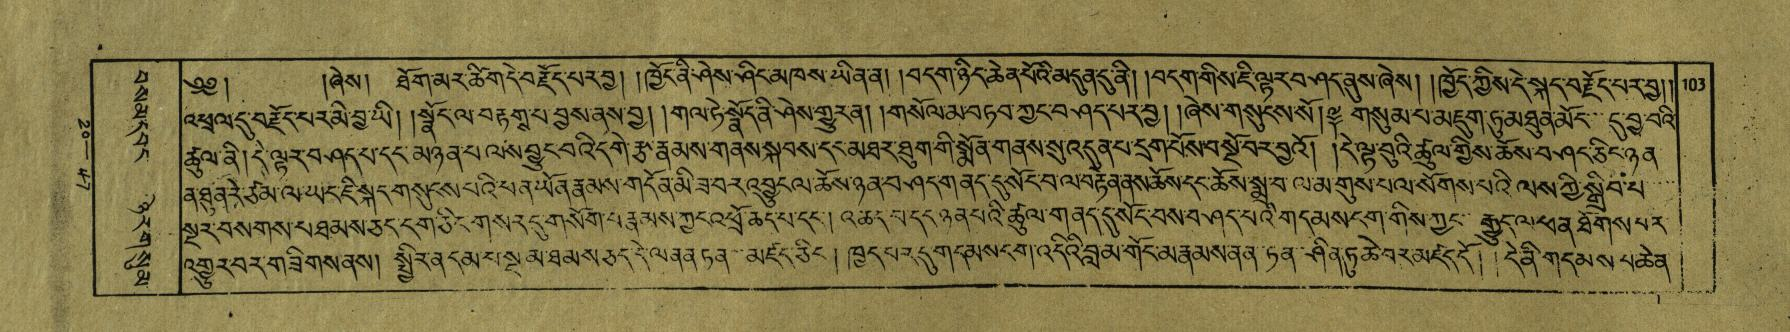༄༅། །ཞེས། ཐོག་མར་ཚིག་དེ་བརྗོད་པར་བྱ། །ཁྱོང་ནི་ཤེས་ཤིང་མཁས་ཡིན་ན། །བདག་ཉིད་ཆེན་པོའི་མདུན་དུ་ནི། །བདག་གིས་ཇི་ལྟར་བཤད་ནུས་ཞེས། །ཁྱོད་ཀྱིས་དེ་སྐད་བརྗོད་པར་བྱ།། འཕྲལ་དུ་བརྗོད་པར་མི་བྱ་ཡི། །སྣོད་ལ་བརྟགས་པ་བྱས་ནས་བྱ། །གལ་ཏེ་སྣོད་ནི་ཤེས་གྱུར་ན། །གསོལ་མ་བཏབ་ཀྱང་བཤད་པར་བྱ། །ཞེས་གསུངས་སོ། ༈ གསུམ་པ་མཇུག་ཏུ་མཐུན་མོང་དུ་བྱ་བའི་
ཚུལ་ནི། དེ་ལྟར་བཤད་པ་དང་མཉན་པ་ལས་བྱུང་བའི་དགེ་རྩ་རྣམས་གནས་སྐབས་དང་མཐར་ཐུག་གི་སྨོན་གནས་སུ་འདུན་པ་དྲག་པོས་བསྔོ་བར་བྱའོ། །དེ་ལྟ་བུའི་ཚུལ་གྱིས་ཆོས་བཤད་ཅིང་ཉན་
ན་ཐུན་རེ་ཙམ་ལ་ཡང་ཇི་སྐད་གསུངས་པའི་ཕན་ཡོན་རྣམས་གདོན་མི་ཟ་བར་འབྱུང་ལ་ཆོས་ཉན་བཤད་གནད་དུ་སོང་བ་ལ་བརྟེན་ནས་ཆོས་དང་ཆོས་སྨྲ་བ་ལ་མ་གུས་པ་ལ་སོགས་པའི་ལས་ཀྱི་སྒྲིབ་པ་
སྔར་བསགས་པ་ཐམས་ཅད་དག་ཅིང་གསར་དུ་གསོག་པ་རྣམས་ཀྱང་འཕྲོ་ཆད་པ་དང་། འཆད་པ་དང་ཉན་པའི་ཚུལ་གནད་དུ་སོང་བས་བཤད་པའི་གདམས་ངག་གིས་ཀྱང་རྒྱུད་ལ་ཕན་ཐོགས་པར་
འགྱུར་བར་གཟིགས་ནས། སྤྱིར་ན་དམ་པ་སྔ་མ་ཐམས་ཅད་དེ་ལ་ནན་ཏན་མཛད་ཅིང་། ཁྱད་པར་དུ་གདམས་ངག་འདིའི་བླ་མ་གོང་མ་རྣམས་ནན་ཏན་ཤིན་ཏུ་ཆེ་བར་མཛད་དོ། །དེ་ནི་གདམས་པ་ཆེན་